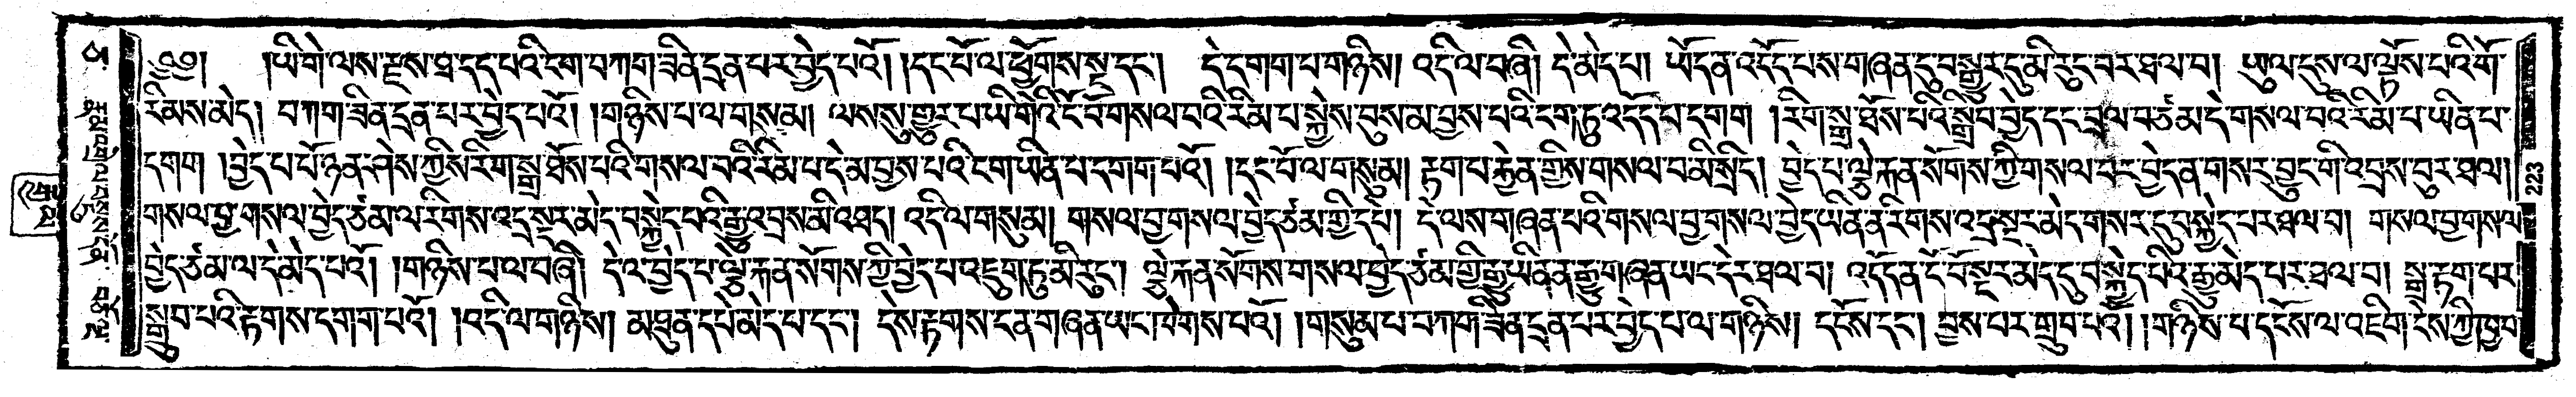༄༅། །ཡི་གེ་ལས་རྫས་ཐ་དད་པའི་ངག་བཀག་ཟིན་དྲན་པར་བྱེད་པའོ། །དང་པོ་ལ་ཕྱོགས་སྔ་དང་། དེ་དགག་པ་གཉིས། འདི་ལ་བཞི། དེ་མེད་པ། ཡོད་ན་འདོད་པས་གཞན་དུ་བསྒྱུར་དུ་མི་རུང་བར་ཐལ་བ། ཡུལ་དུས་ལ་ལྟོས་པའི་གོ་
རིམས་མེད། བཀག་ཟིན་དྲན་པར་བྱེད་པའོ། །གཉིས་པ་ལ་གསུམ། ལས་སུ་གྱུར་པ་ཡི་གེའི་ངོ་བོ་གསལ་བའི་རིམ་པ་སྐྱེས་བུས་མ་བྱས་པའི་ངག་ཏུ་འདོད་པ་དགག །རིག་སྒྲ་ཐོས་པའི་སྒྲིབ་བྱེད་དང་བྲལ་བ་ཙམ་དེ་གསལ་བའི་རིམ་པ་ཡིན་པ་
དགག །བྱེད་པ་པོ་ཉན་ཤེས་ཀྱིས་རིག་སྒྲ་ཐོས་པའི་གསལ་བའི་རིམ་པ་དེ་མ་བྱས་པའི་ངག་ཡིན་པ་དགག་པའོ། །དང་པོ་ལ་གསུམ། རྟག་པ་རྐྱེན་གྱིས་གསལ་བ་མི་སྲིད། བྱེད་པ་ལྕེ་རྐན་སོགས་ཀྱི་གསལ་བར་བྱེད་ན་གསར་བྱུང་གི་འབྲས་བུར་ཐལ།
གསལ་བྱ་གསལ་བྱེད་ཙམ་ལ་རིགས་འདྲ་སྔར་མེད་བསྐྱེད་པའི་རྒྱུ་འབྲས་མི་འཐད། འདི་ལ་གསུམ། གསལ་བྱ་གསལ་བྱེད་ཙམ་གྱི་དཔེ། དེ་ལས་གཞན་པའི་གསལ་བྱ་གསལ་བྱེད་ཡིན་ན་རིགས་འདྲ་སྔར་མེད་གསར་དུ་བསྐྱེད་པར་ཐལ་བ། གསལ་བྱ་གསལ་
བྱེད་ཙམ་ལ་དེ་མེད་པའོ། །གཉིས་པ་ལ་བཞི། དེ་ལ་བྱེད་པ་ལྕེ་རྐན་སོགས་ཀྱི་བྱེད་པ་འཇུག་ཏུ་མི་རུང་། ལྕེ་རྐན་སོགས་གསལ་བྱེད་ཙམ་གྱི་རྒྱུ་ཡིན་ན་རྒྱུ་གཞན་ཡང་དེར་ཐལ་བ། འདོད་ན་ངོ་བོ་སྔར་མེད་དུ་བསྐྱེད་པའི་རྒྱུ་མེད་པར་ཐལ་བ། སྒྲ་རྟག་པར་
སྒྲུབ་པའི་རྟགས་དགག་པའོ། །འདི་ལ་གཉིས། མཐུན་དཔེ་མེད་པ་དང་། དེས་རྟགས་ངན་གཞན་ཡང་ཁེགས་པའོ། །གསུམ་པ་བཀག་ཟིན་དྲན་པར་བྱེད་པ་ལ་གཉིས། དངོས་དང་། བྱས་པར་གྲུབ་པའོ། །གཉིས་པ་དངོས་ལ་འཇིག་ངེས་ཀྱི་ཁྱབ་